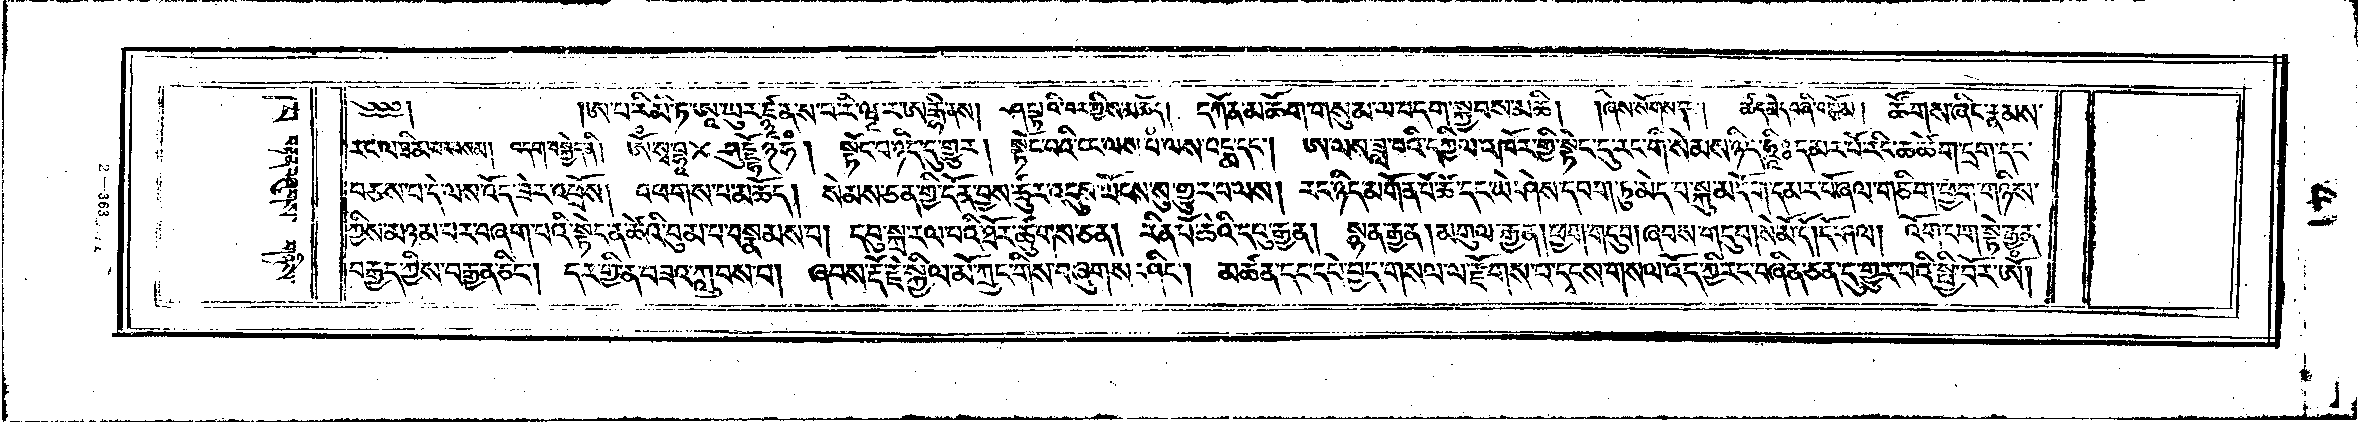༄༅། །ཨ་པ་རི་མི་ཏ་ཨཱ་ཡུར་ཛྙཱ་ན་ས་བ་རི་ཝཱ་ར་ཨརྒྷི་ནས། ཤལྟའི་བར་གྱིས་མཆོད། དཀོན་མཆོག་གསུམ་ལ་བདག་སྐྱབས་མཆི། །ཞེས་སོགས་དབ། ཚད་མེད་བཞི་བསྒོམ།  ཚོགས་ཞིང་རྣམས་
རང་ལ་ཟིམ་པ་བསམ། བདག་བསྐྱེད་ནི།  ཨོཾ་སྭ་བྷཱ་྾་ཤུདྡྷོ་ཉཧཾ། སྟོང་བ་ཉིད་དུ་གྱུར། སྟོང་བའི་ངང་ལས་པཾ་ལས་པདམ་དང་། ཨ་ལས་ཟླ་བའི་དཀྱིལ་འཁོར་གྱི་སྟེང་དུ་རང་གི་སེམས་ཉིད་ཧྲཱིཿདམར་པོ་རིང་ཆ་ཚེག་དྲག་དང་
བཅས་བ་དེ་ལས་འོད་ཟེར་འཕྲོས། འཕགས་པ་མཆོད། སེམས་ཅན་གྱི་དོན་བྱས་ཚུར་འདུས་ཡོངས་སུ་གྱུར་པ་ལས། རང་ཉིད་མགོན་པོ་ཚེ་དང་ཡེ་ཤེས་དཔག་ཏུ་མེད་པ་སྐུ་མདོག་དམར་པོ་ཞལ་གཅིག་ཕྱག་གཉིས་
ཀྱིས་མཉམ་པར་བཞག་པའི་སྟེང་ན་ཚེའི་བུམ་པ་བསྣམས་བ། དབུ་སྐྲ་རལ་པའི་ཐོར་ཚུགས་ཅན། རིན་པོ་ཆེའི་དབུ་རྒྱན། སྙན་རྒྱན་།མགུལ་རྒྱན་།ཕྱག་གདུབ། ཞབས་གདུབ་།སེ་མོ་དོ་།དོ་ཤལ། འོག་པག་སྟེ་རྒྱན་
བརྒྱད་ཀྱིས་བརྒྱན་ཅིང་། དར་གྱི་ན་བཟའ་ཀླུབས་པ། ཞབས་རྡོ་རྗེ་སྐྱིལ་མོ་ཀྲུང་གིས་བཞུགས་ཤིང་། མཚན་དང་དཔེ་བྱད་གསལ་ལ་རྫོགས་པ་དྭངས་གསལ་འོད་ཀྱི་རང་བཞིན་ཅན་དུ་གྱུར་པའི་སྤྱི་བོར་ཨོཾ།